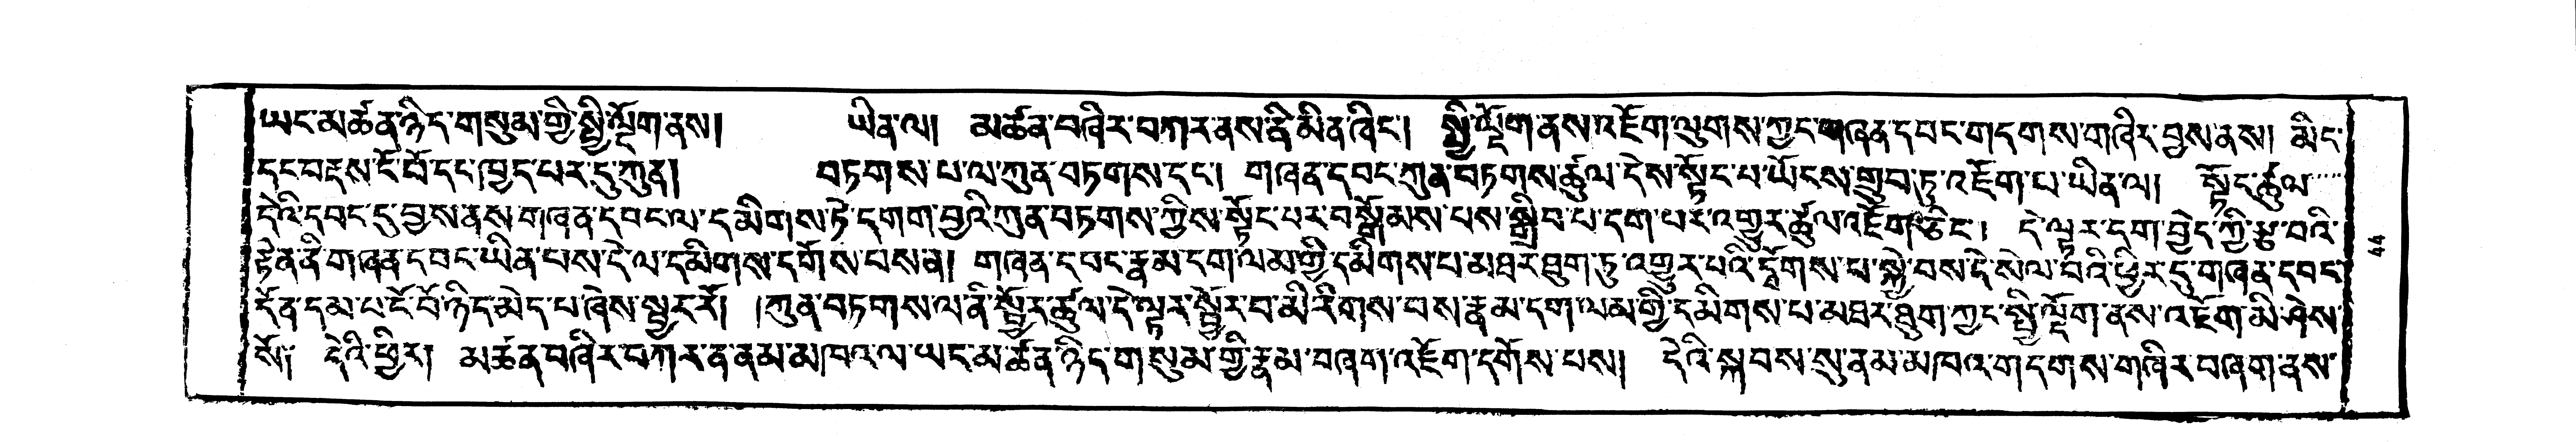ཡང་མཚན་ཉིད་གསུམ་གྱི་སྤྱི་ལྡོག་ནས། ཡིན་ལ། མཚན་བཞིར་བཀར་ནས་ནི་མིན་ཞིང་། སྤྱི་ལྡོག་ནས་འཇོག་ལུགས་ཀྱང་གཞན་དབང་གདགས་གཞིར་བྱས་ནས། མིང་
དང་བརྡས་ངོ་བོ་དང་ཁྱད་པར་དུ་ཀུན། བཏགས་པ་ལ་ཀུན་བཏགས་དང་། གཞན་དབང་ཀུན་བཏགས་ཚུལ་དེས་སྟོང་པ་ཡོངས་གྲུབ་ཏུ་འཇོག་པ་ཡིན་ལ། སྟོང་ཚུལ་
དེའི་དབང་དུ་བྱས་ནས་གཞན་དབང་ལ་དམིགས་ཏེ་དགག་བྱའི་ཀུན་བཏགས་ཀྱིས་སྟོང་པར་བསྒོམས་པས་སྒྲིབ་པ་དག་པར་འགྱུར་ཚུལ་འཇོག་ཅིང་། དེ་ལྟར་དག་བྱེད་ཀྱི་རྩ་བའི་
རྟེན་ནི་གཞན་དབང་ཡིན་པས་དེ་ལ་དམིགས་དགོས་པས་ན། གཞན་དབང་རྣམ་དག་ལམ་གྱི་དམིགས་པ་མཐར་ཐུག་ཏུ་འགྱུར་པའི་དྭོགས་པ་སྐྱེ་བས་དེ་སེལ་བའི་ཕྱིར་དུ་གཞན་དབང་
དོན་དམ་པ་ངོ་བོ་ཉིད་མེད་པ་ཞེས་སྦྱར་རོ། །ཀུན་བཏགས་ལ་ནི་སྦྱོར་ཚུལ་དེ་ལྟར་སྦྱོར་བ་མི་རིགས་པས་རྣམ་དག་ལམ་གྱི་དམིགས་པ་མཐར་ཐུག་ཀྱང་སྤྱི་ལྡོག་ནས་འཇོག་མི་ཤེས་
སོ། དེའི་ཕྱིར། མཚན་བཞིར་བཀར་ན་ནམ་མཁའ་ལ་ཡང་མཚན་ཉིད་གསུམ་གྱི་རྣམ་བཞག་འཇོག་དགོས་པས། དེའི་སྐབས་སུ་ནམ་མཁའ་གདགས་གཞིར་བཞག་ནས་